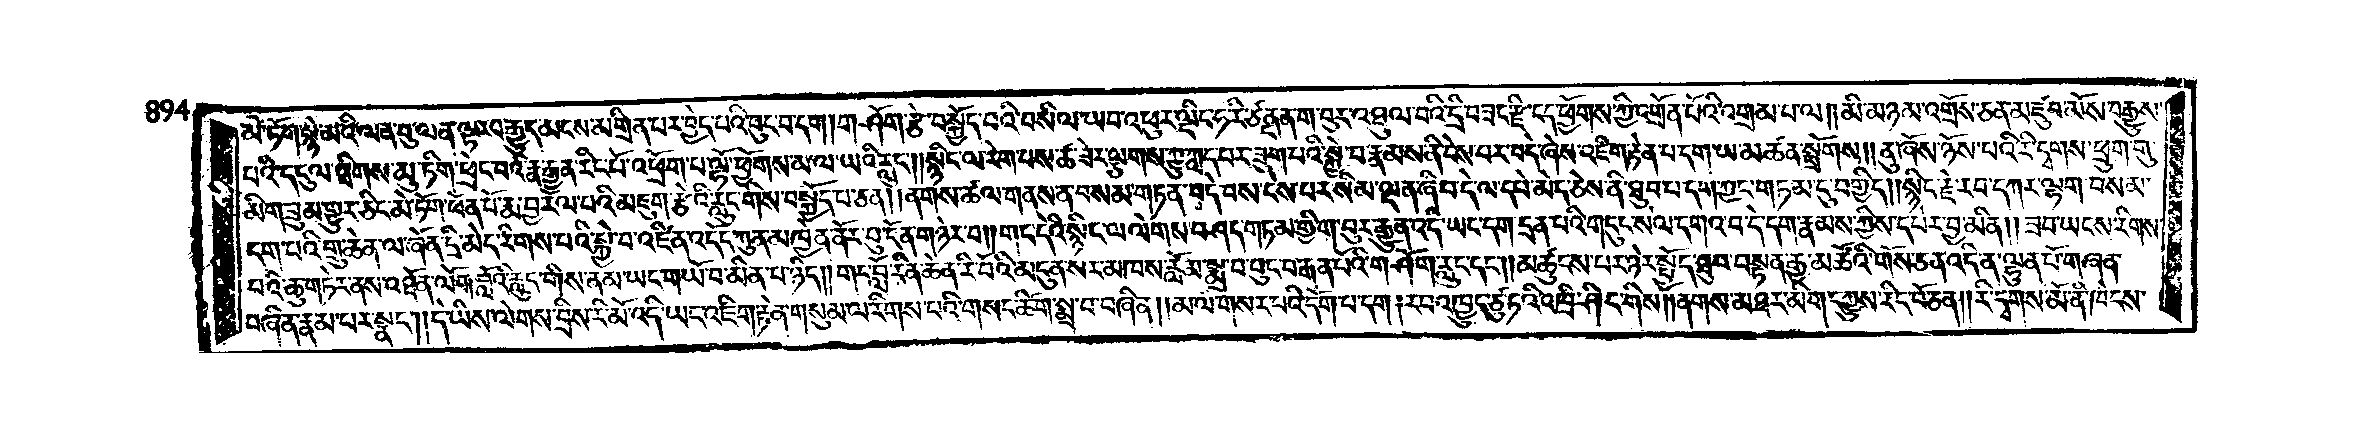མེ་ཏོག་སྙེ་མའི་ལན་བུ་ལན་ལྟར་བརྒྱུད་མངས་མགྲིན་པར་བྱེད་པའི་བུང་བ་དག། གཤོག་རྩེ་བསྐྱོད་པའི་བསིལ་ཡབ་འཕུར་ལྡིང་ཧ་རི་ཙན་དན་ག་བུར་འཐུལ་བའི་དྲི་བཟང་རྫི་ངད་ཕྱོགས་ཀྱི་མགྲོན་པོའི་འགྲམ་པ་ལ། །མི་མཉམ་འགྲོས་ཅན་མཛུབ་མོས་བརྒྱུས་
པའི་དངུལ་ཐིགས་མུ་ཏིག་ཕྲེང་བའི་རྣ་རྒྱན་རིང་པོ་འཕྲོགས་པ་ལྷོ་ཕྱོགས་མ་ལ་ཡའི་རླུང་། །སྙིང་ལ་རེག་པས་ཚ་ཟེར་ལྕགས་ཀྱུ་ཀླད་པར་ཟུག་པའི་སྐྱེ་བ་རྣམས་ནི་ངེས་པར་བདེ་ཞེས་འཇིག་རྟེན་པ་དག་ཡ་མཚན་སྒྲོགས། །ནུ་ཞོས་ཉོས་པའི་རི་དགས་ཕྲུ་གུ་
མིག་ཟུམ་གྱུར་ཅིང་མེ་ཏོག་ཕོན་པོ་རྨ་བྱ་རོལ་བའི་མཇུག་རྩེའི་རླུང་གིས་བསྐྱོད་པ་ཅན། གགས་ཚལ་གནས་ན་བསམ་གཏན་བདེ་བས་ངེས་པར་སིམ་ལྡན་ཞེ་བ་དེ་ལ་དཔེ་མེད་ཅེས་ནི་ཐུབ་པ་དག་ཀྱང་གཏམ་དུ་བགྱིད། །སྙིང་རྗེ་རབ་དཀར་ལྷག་བསམ་
དག་པའི་གྲུ་ཆེན་ལ་ཞོན་དྲི་མེད་རིགས་པའི་སྐྱེ་བ་འཛིན་འདོད་ཀུན་མཁྱེན་ནོར་བུ་དོན་གཉེར་བ། །གང་དེའི་སྙིང་ལ་ལེགས་བཤད་གཏམ་གྱི་ག་བུར་རྒྱུན་འདི་ཡང་དག་དྲན་པའི་གདུང་སེལ་དགའ་བ་དེ་དག་རྣམས་ཀྱིས་དཔེར་བྱ་མིན། །ཟབ་ཡངས་རིགས་
པའི་ཆུ་གཏེར་ནས་འཐོན་ལོག་བློའི་རླུང་གིས་ནམ་ཡང་གྱོ་བ་མིན་པ་ཉིད། །གང་བློ་རིན་ཆེན་རི་བོའི་མདུན་སར་མཁས་རློམ་སྨྲ་བ་བུང་བ་རྒན་པོའི་གཤོག་རླུང་དང་། །མཚུངས་པར་ཉེར་སྤྱོད་ཐུབ་བསྟན་རྒྱ་མཚོའི་གོས་ཅན་འདི་ན་ལྷུན་པོ་གཞན་
བཞིན་རྣམ་པར་སྣང་། །དེ་ཡིས་ལེགས་བྲིས་རི་མོ་འདི་ཡང་འཇིག་རྟེན་གསུམ་ལ་རིགས་པའི་གསང་ཚིག་སྨྲ་བ་བཞིན། །མལ་གསར་བའི་དོག་པ་དག། རབ་འཁྱུད་ཙུ་ཏའི་འཁྲི་ཤིང་གིས། །ནགས་མཐར་མིག་དཀྱུས་རིང་བོ་ཅན། །རི་དགས་མོ་ནི་ཁེངས་